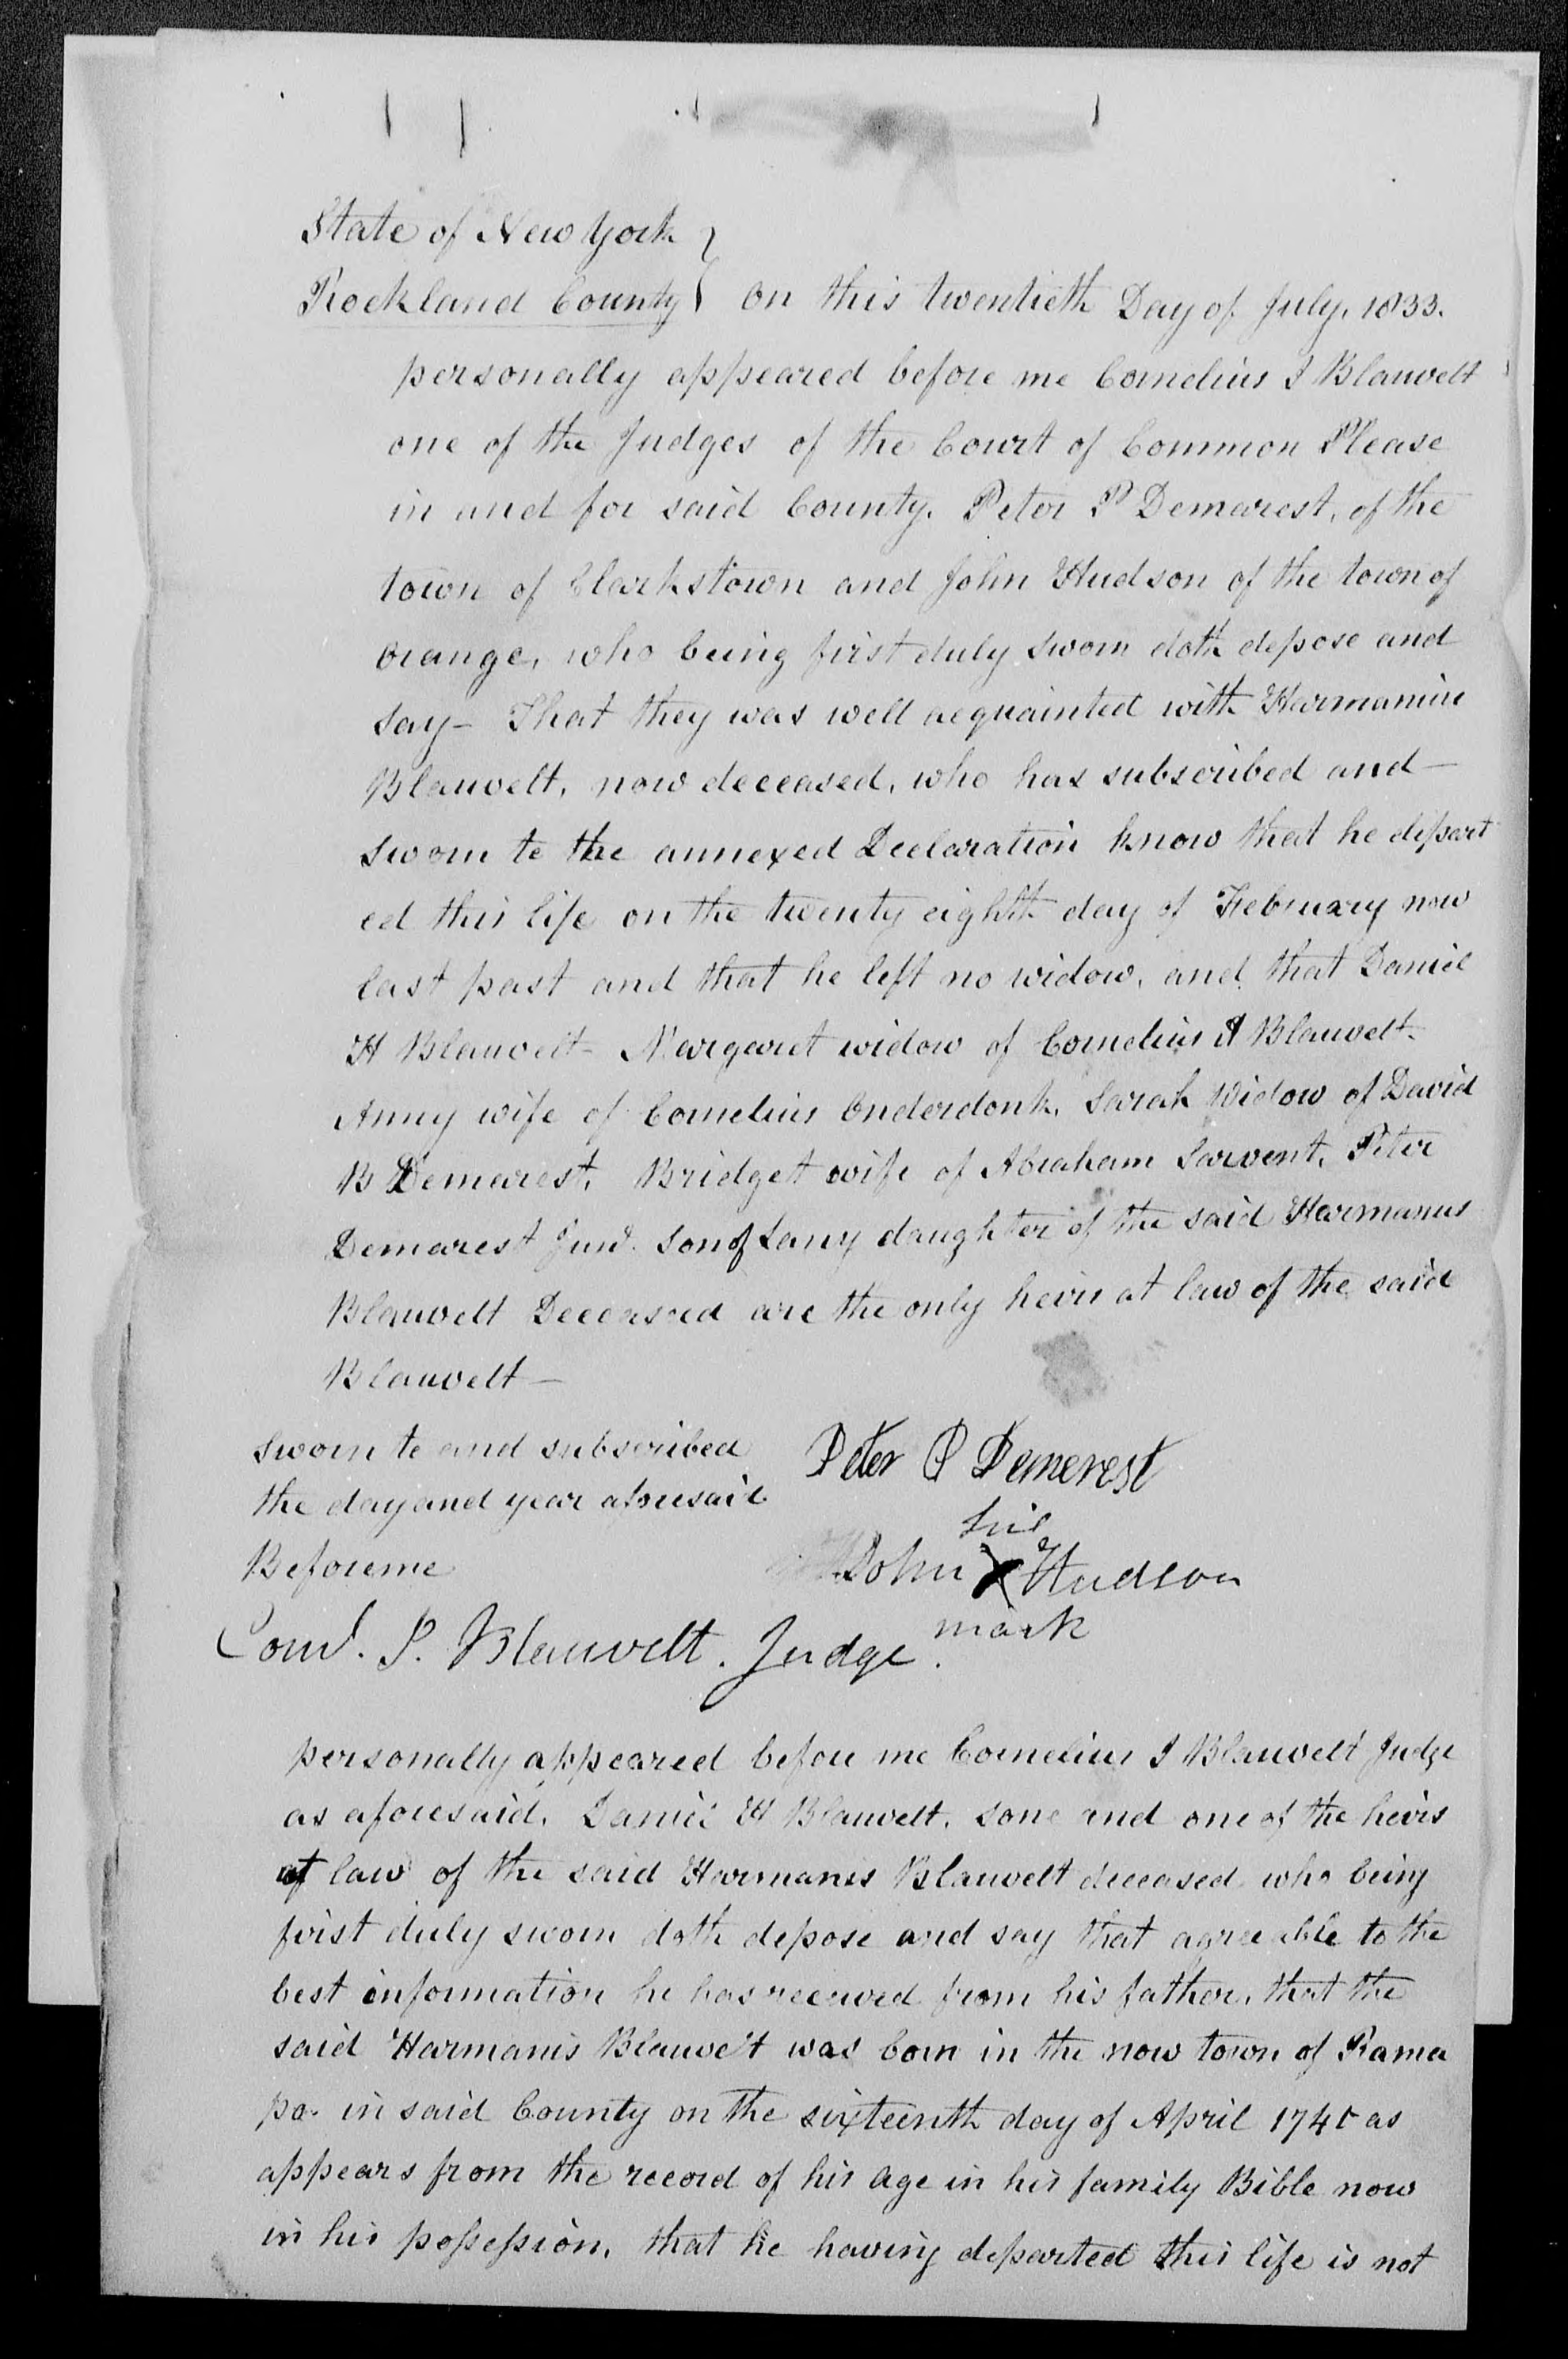State of New York
Rockland County
On this twentieth day of July, 1833, personally appeared before me Cornelius I. Blauvelt one of the Judges of the Court of Common Please in and for said County. Peter P Demarest, of the town of Clarkstown and John Hudson of the town of orange, who being first duly sworn doth depose and say- That they was well acquainted with Harmanius Blauvelt, now deceased, who has subscribed and sworn to the annexed declaration knows that he departed this life on the twenty eighth day of February now last past and that he left no widow, and that Daniel H Blauvelt, Margaret widow of Cornelius I Blauvelt, Anny wife of Cornelius Onderdonk, Sarah widow of David B Demarest, Bridget wife of Abraham Sarvent, Peter Demarest Junr. son of Lany daughter of the said Harmanus Blauvelt deceased are the only heirs at law of the said Blauvelt.
[signed] Peter R Demarest
John Hudson  X his mark

Cornl. I. Blauvelt, Judge.

Sworn to and subscribed the day and year aforesaid before me  personally appeared before me Cornelius I Blauvelt Judge as aforesaid, Daniel H Blauvelt, son and one of the heirs at law of the said Harmanis Blauvelt deceased who being first duly sworn doth depose and say that agreeable to the best information he has received from his father, that the said Harmanis Blauvelt was born in the now town of Ramapo, in said County on the sixteenth day of April 1741 as appears from the record of his age in his family Bible now in his possession, that he having departed this life is not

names: Margaret Blauvelt, Peter P Demerest, Harmanus Blauvelt, Harmanis Blauvelt, Cornelius I Blauvelt, Abraham Sarvent, John Hudson, David B Demarest, Harmanis Blauvelt, Cornelius I Blauvelt, Peter Demarest, Daniel H Blauvelt, Cornelius Onderdonk, Sarah, Lany, Corns I Blauvelt, Anny, Peter P Demarest, John Hudson, Bridget, Cornelius A Blauvelt, Daniel H Blauvelt, Blauvelt, Juns, Harmanius Blauvelt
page: 26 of 33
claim: survivor's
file: S. 22,653, Harmanus Blauvelt, New York